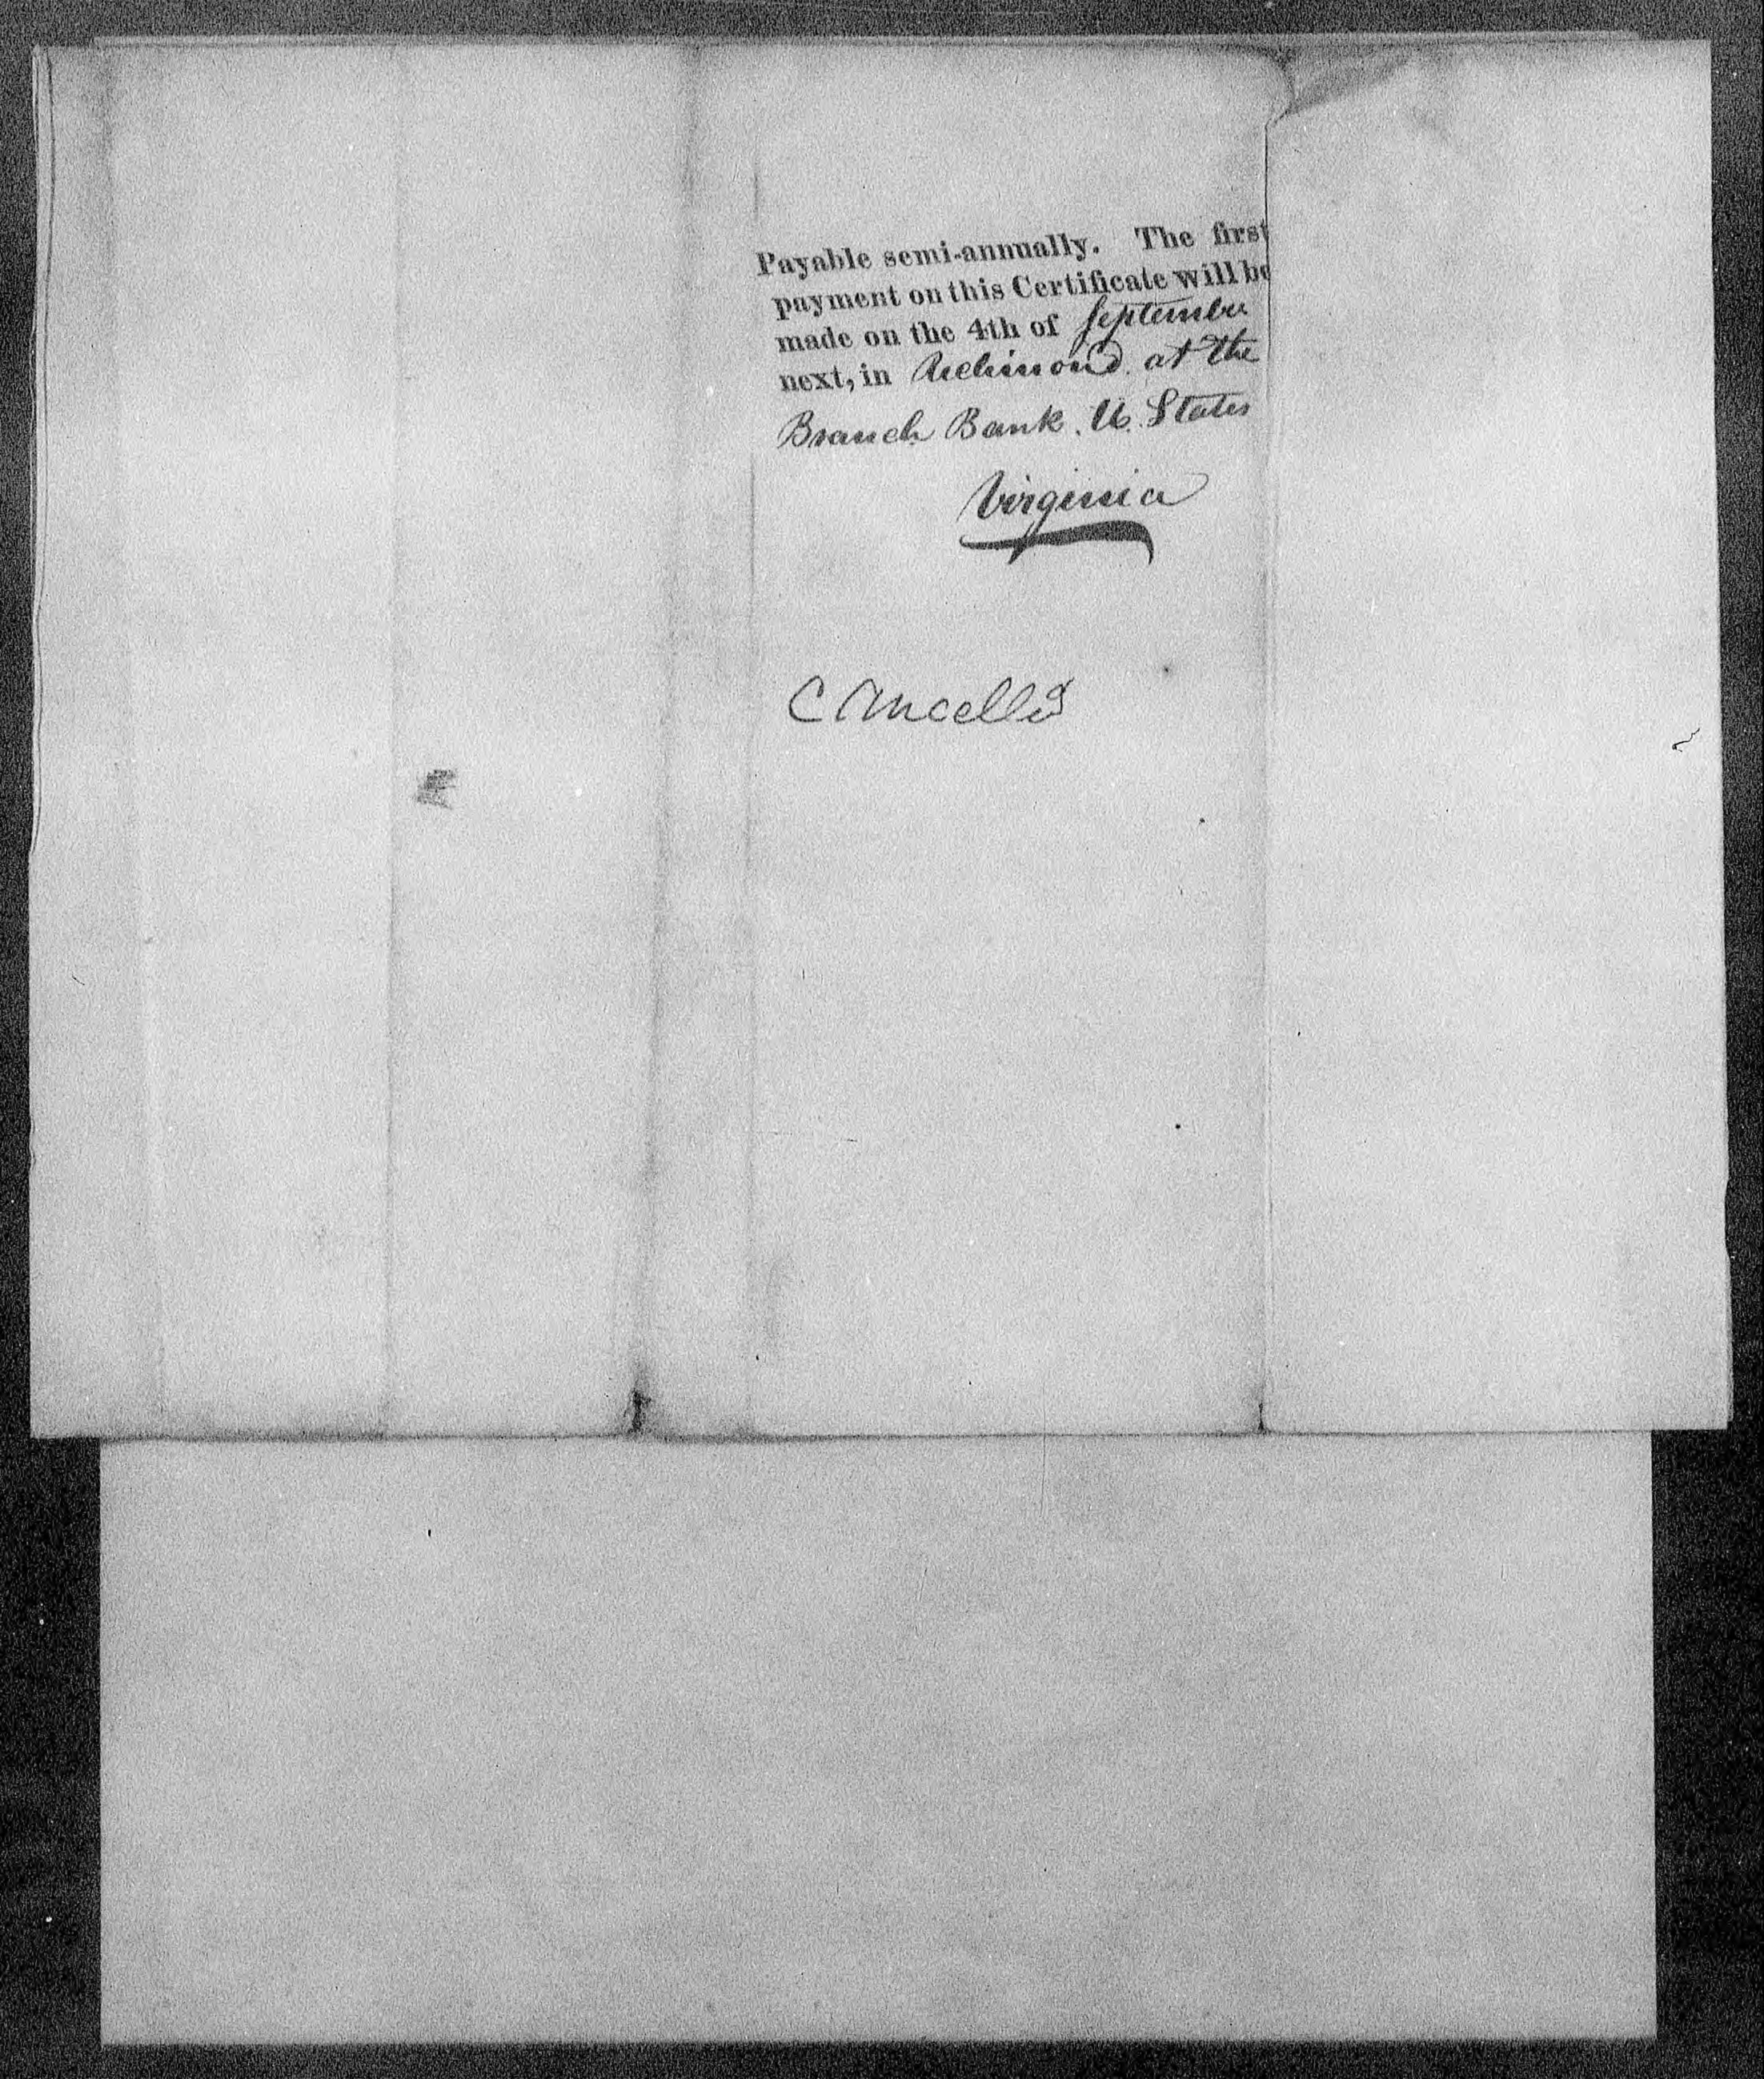Payable semi-annually. The first payment on this Certificate will be made on the 4th of September next, in Richmond at the Branch Bank, U. States
Virginia

cancelled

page: 32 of 39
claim: widow's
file: W 6292, for William Jones, Maryland